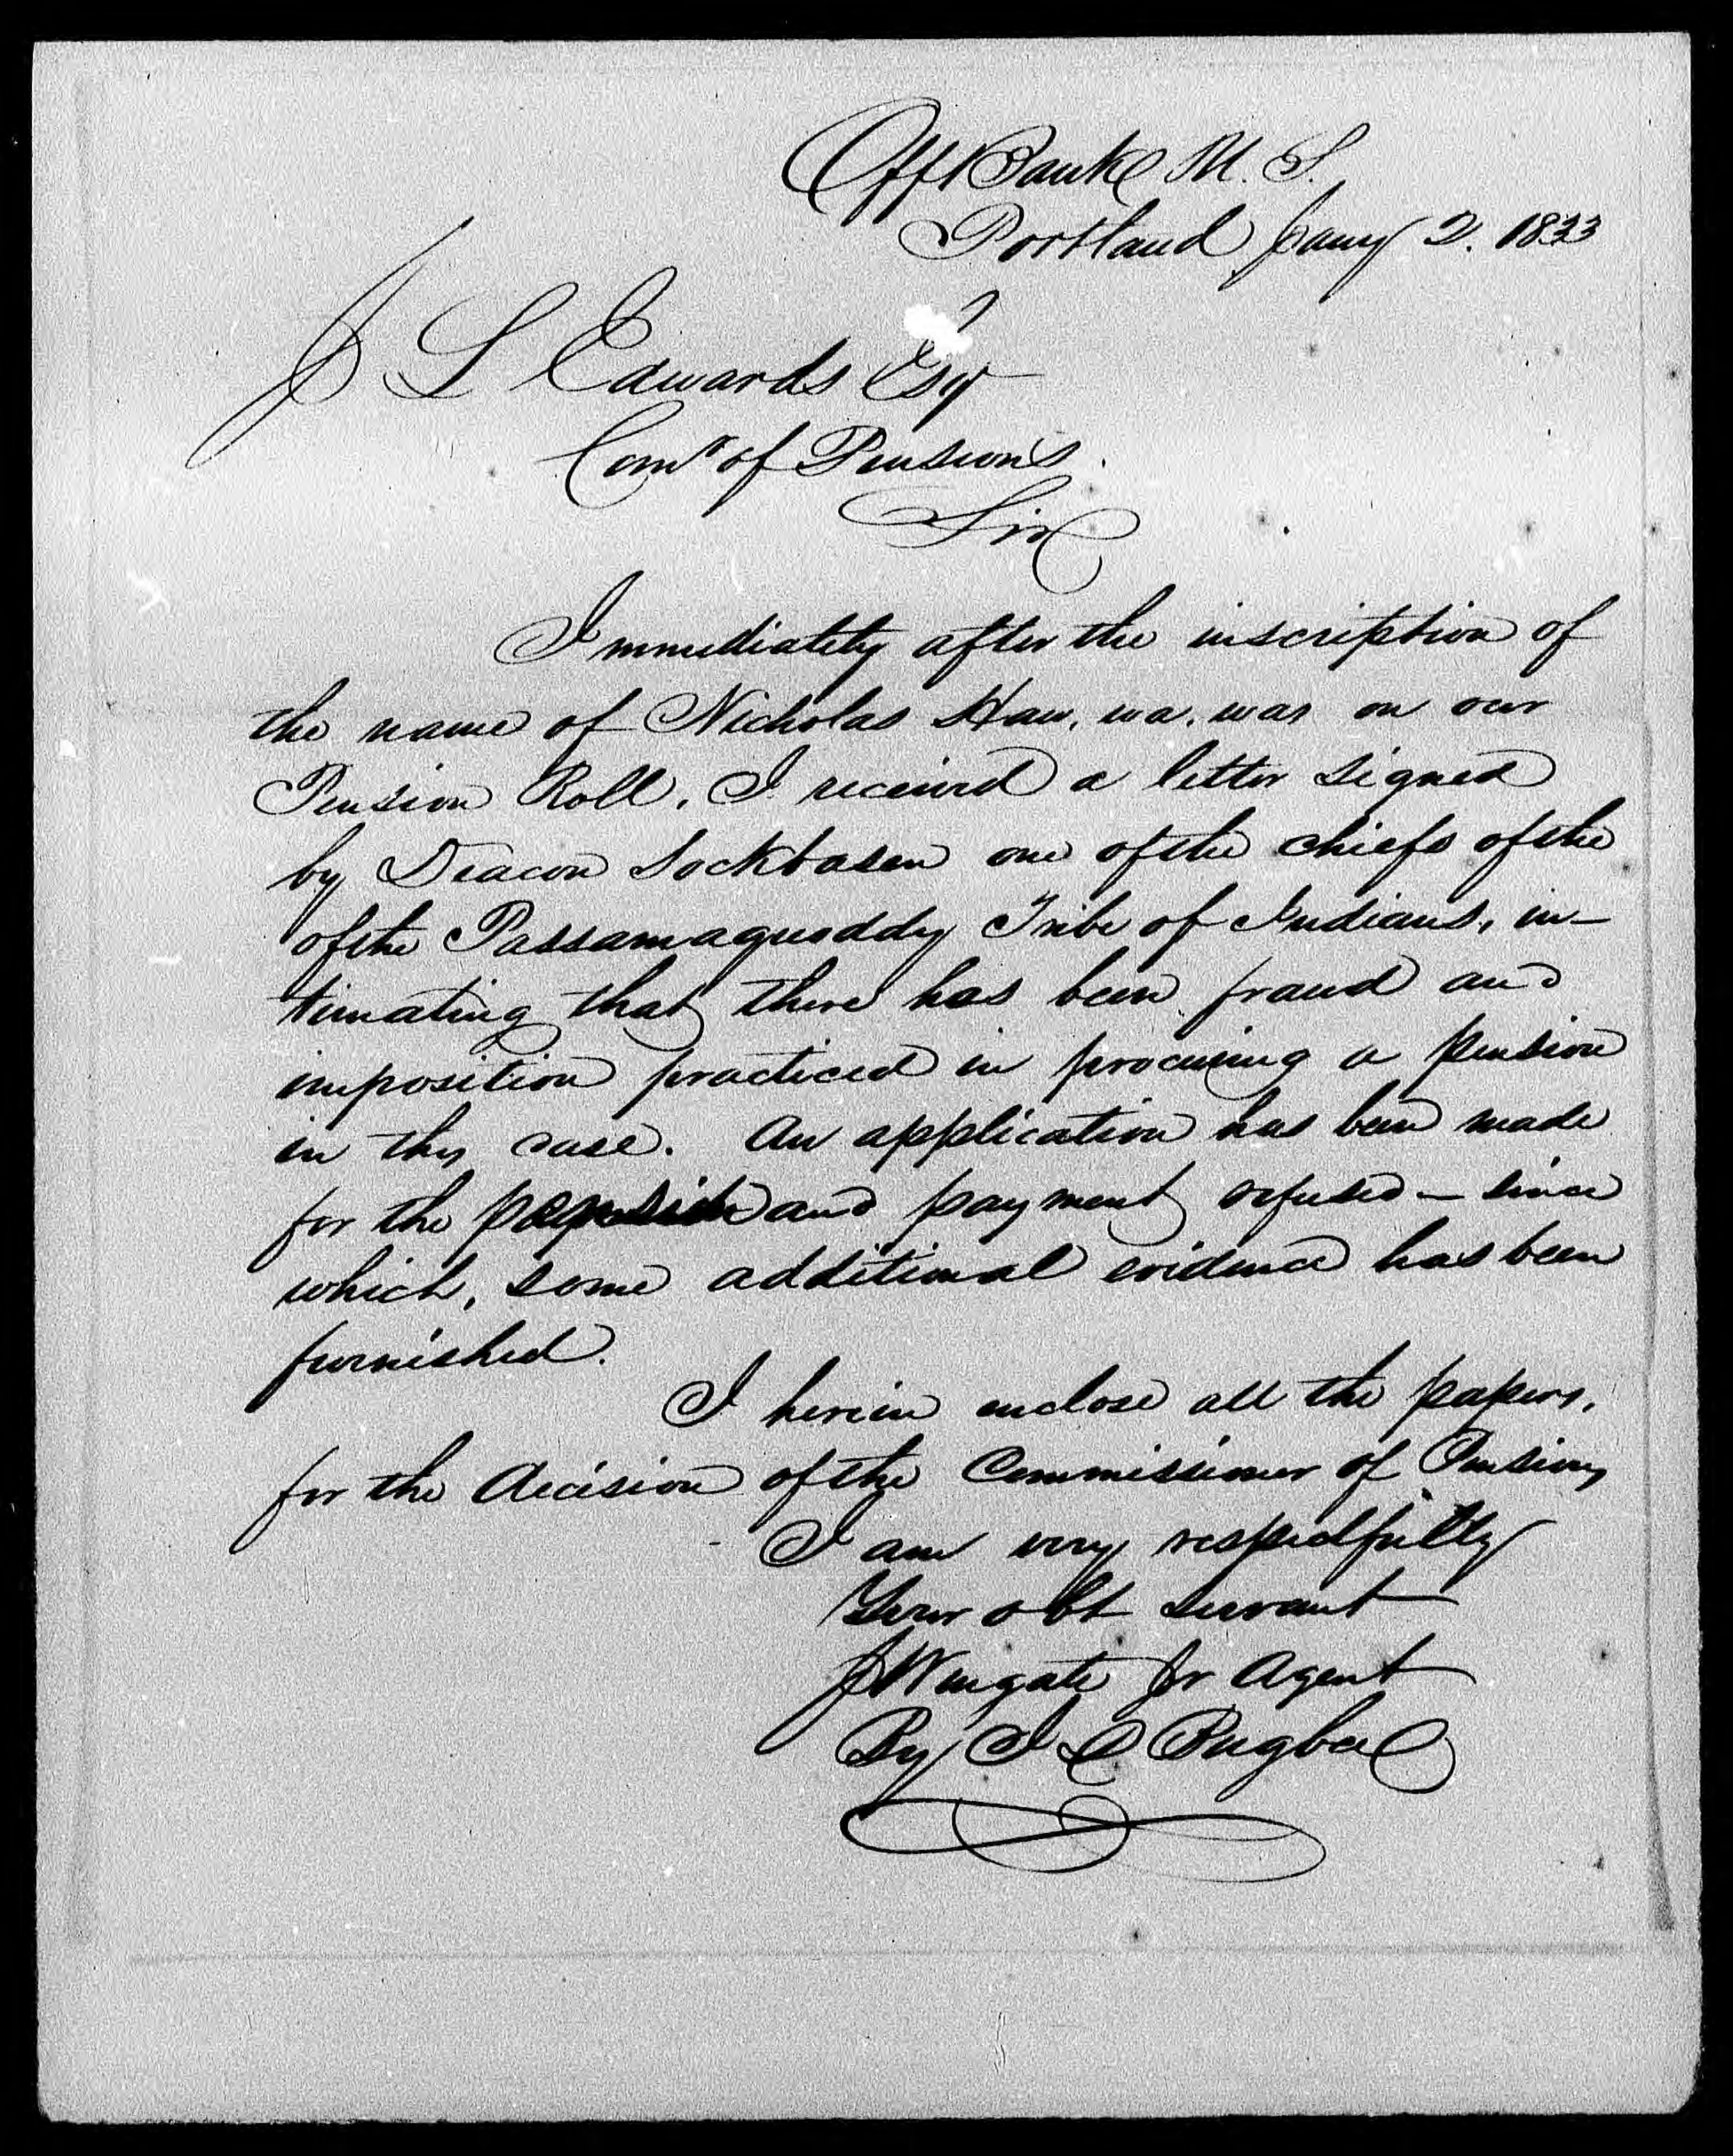[Offbanke M.S.]
Portland  January 2, 1833

JL Edwards Esq
Com of Pensions
[?]
Immediately after the inscription of the name of Nicholas Hawwawas on our Pension Roll, I received a letter signed by Deacon Sockbason one of the chiefs of the Passamaquoddy Tribe of Indians, intimating that there has been fraud and imposition practiced in processing a pension in this case. An application has been made for the pension and payment [?] -- since which, some additional evidence has been furnished.
I herein enclose all the papers, for the decision of the Commission of Pension,
I am respectfully
Your obd servant
J Wingate Jr Agent
By J D. Bugbee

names: J L Edwards, Deacon Sockbason, J Wingate, Nicholas Hawwawas, J D Bugbee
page: 41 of 52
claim: survivor's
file: S 17997, Nicholas Hawwawas, Mass.